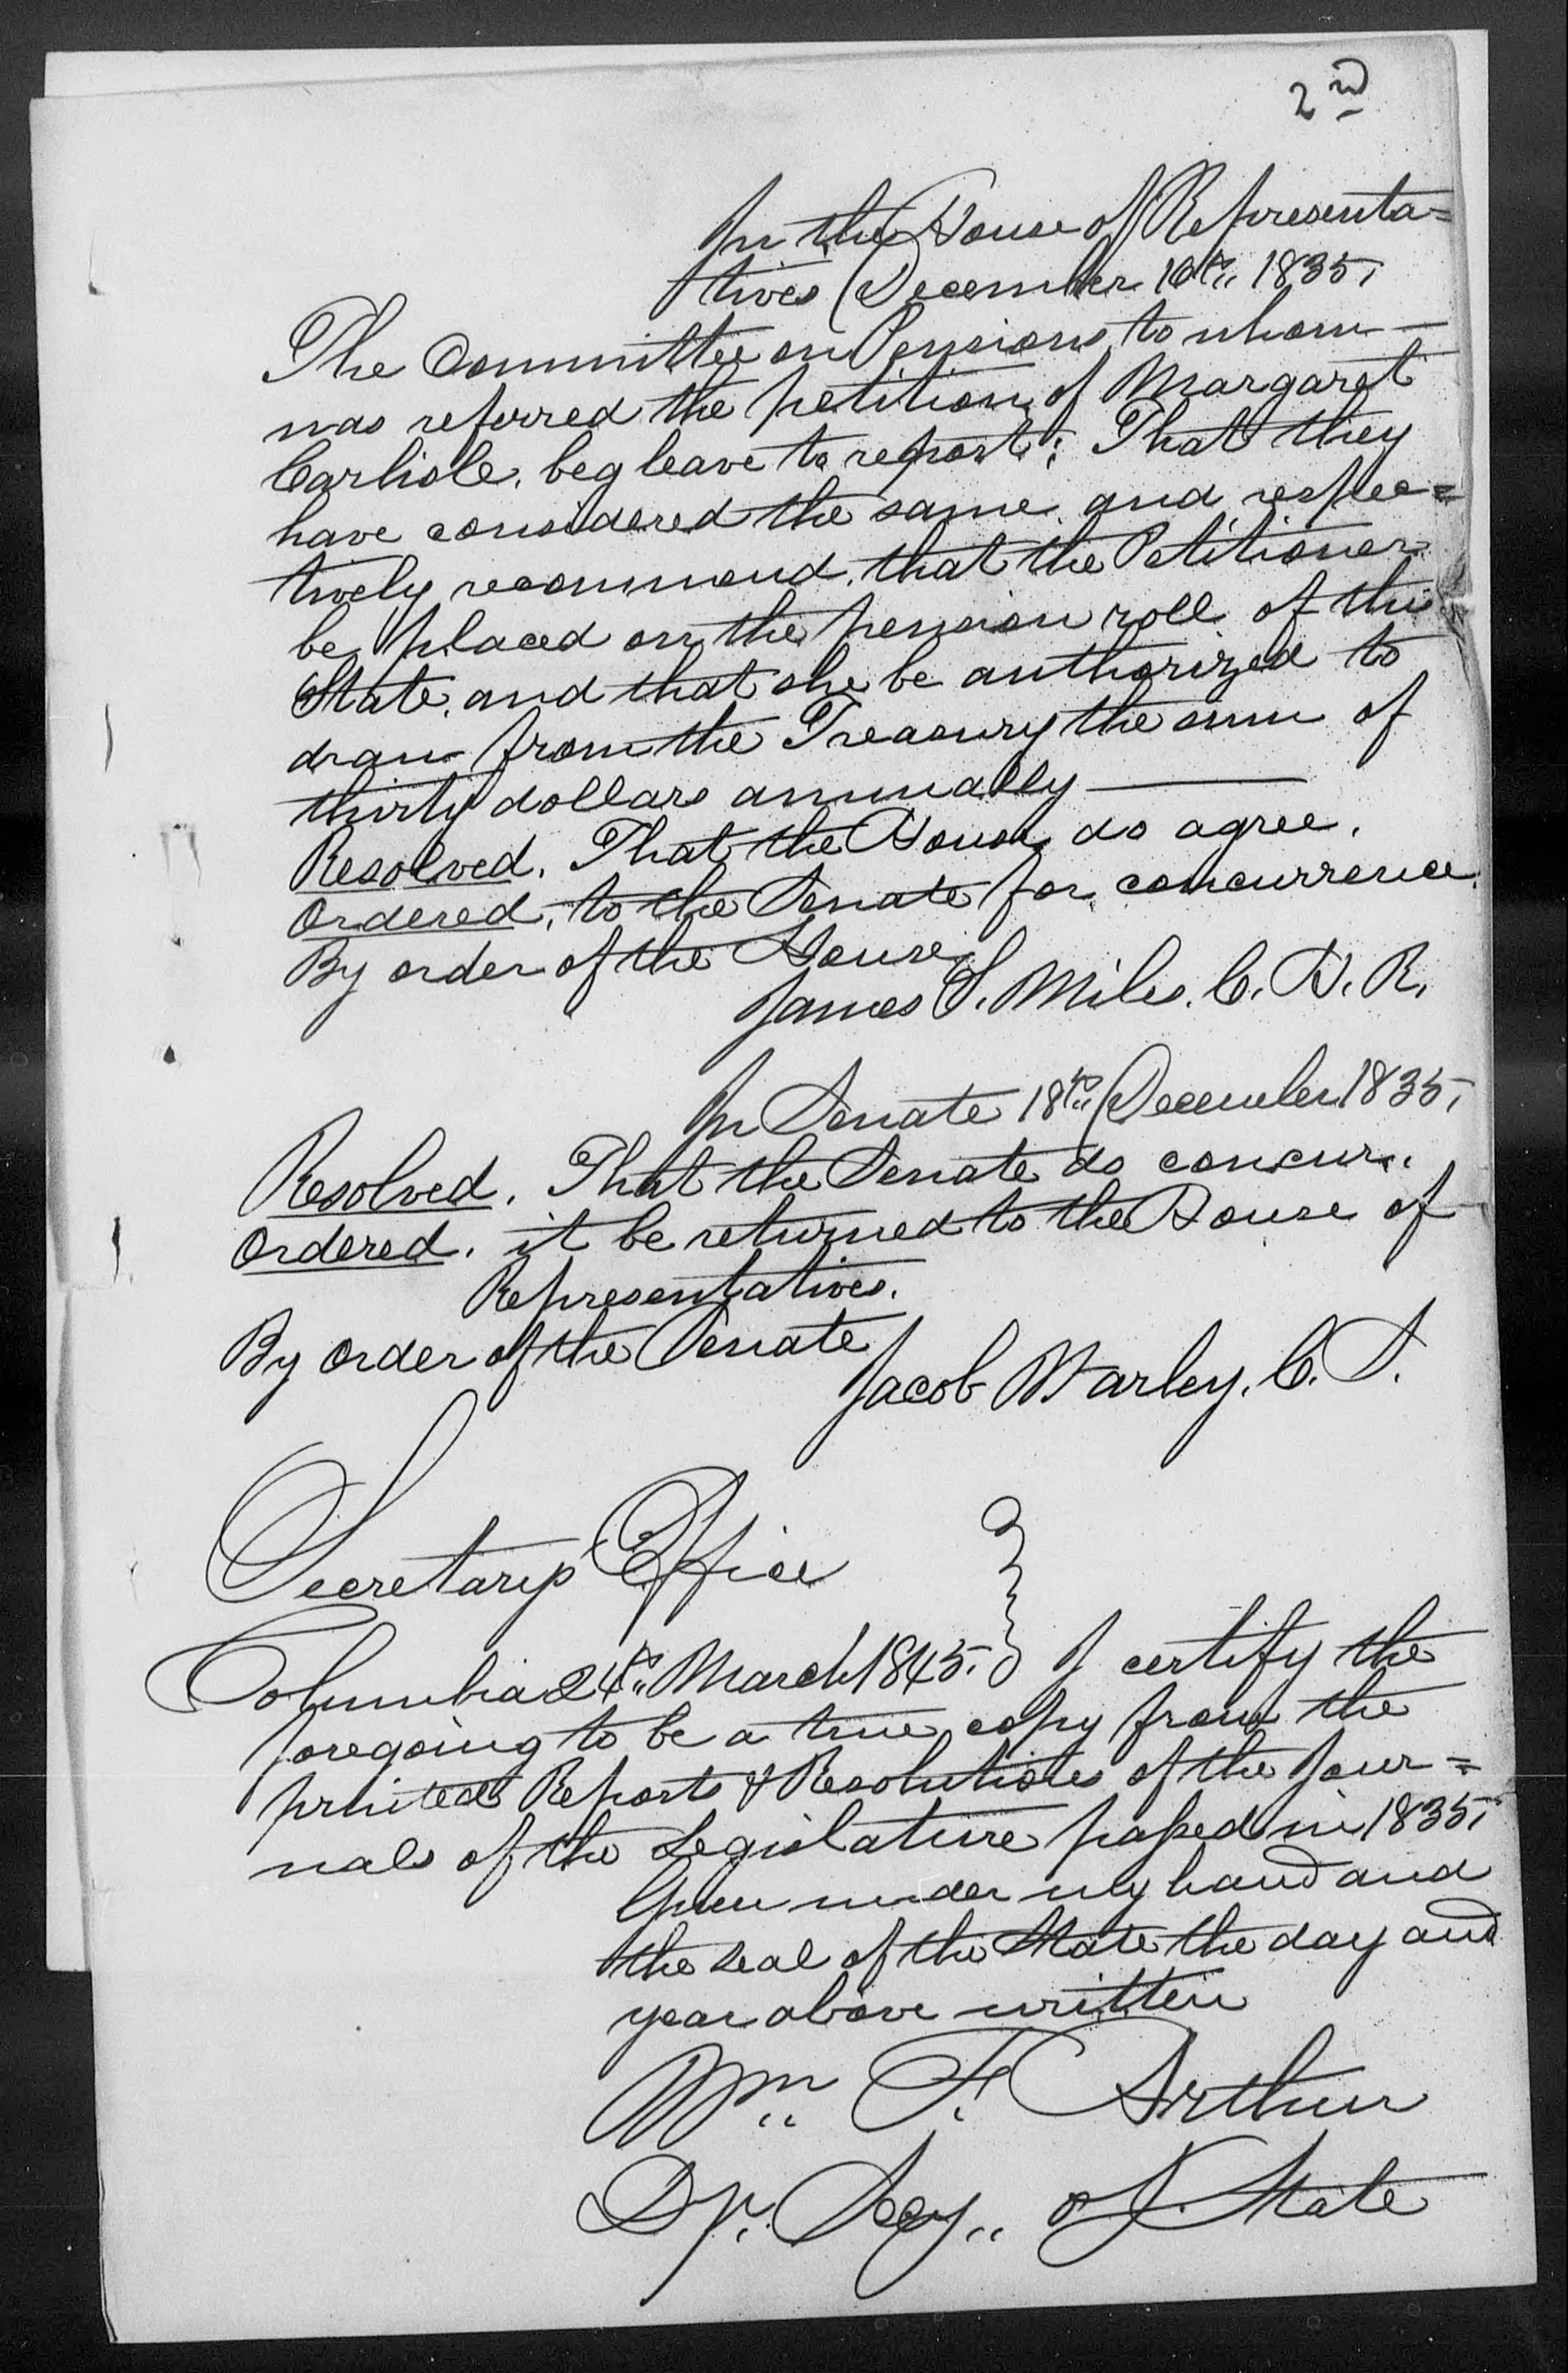2nd
In the House of Representatives December 10, 1835
The Committee on Pensions to whom was referred the petition of Margaret Carlisle beg leave to report. That they have considered the same and respectfully recommend that the Petitioner be placed on the pension roll of this State and that she be authorized to draw from the Treasury the sum of thirty dollars annually-
Resolved, That the House do agree.
Ordered to the Senate for concurrence By order of the House
James V. Miles C.H.R.

In Senate 18th December 1835,
Resolved, That the Senate do concur
Ordered, it be returned to the House of Representatives.
By order of the Senate
Jacob Warley, C. S.

Secretary Office
Columbia 21 March 1845
I certify the foregoing to be a true copy from the printed Report & Resolutions of the Journals of the Legislature passed in 1835
Given under my hand and the seal of of the State the day and year above written
W. C. Arthur
Dep Sec of State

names: Margaret Carlisle, James S Miles, Jacob Marley, Wm F Arthur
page: 44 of 91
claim: widow's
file: W. 10576, Francis Carlisle, S.C.